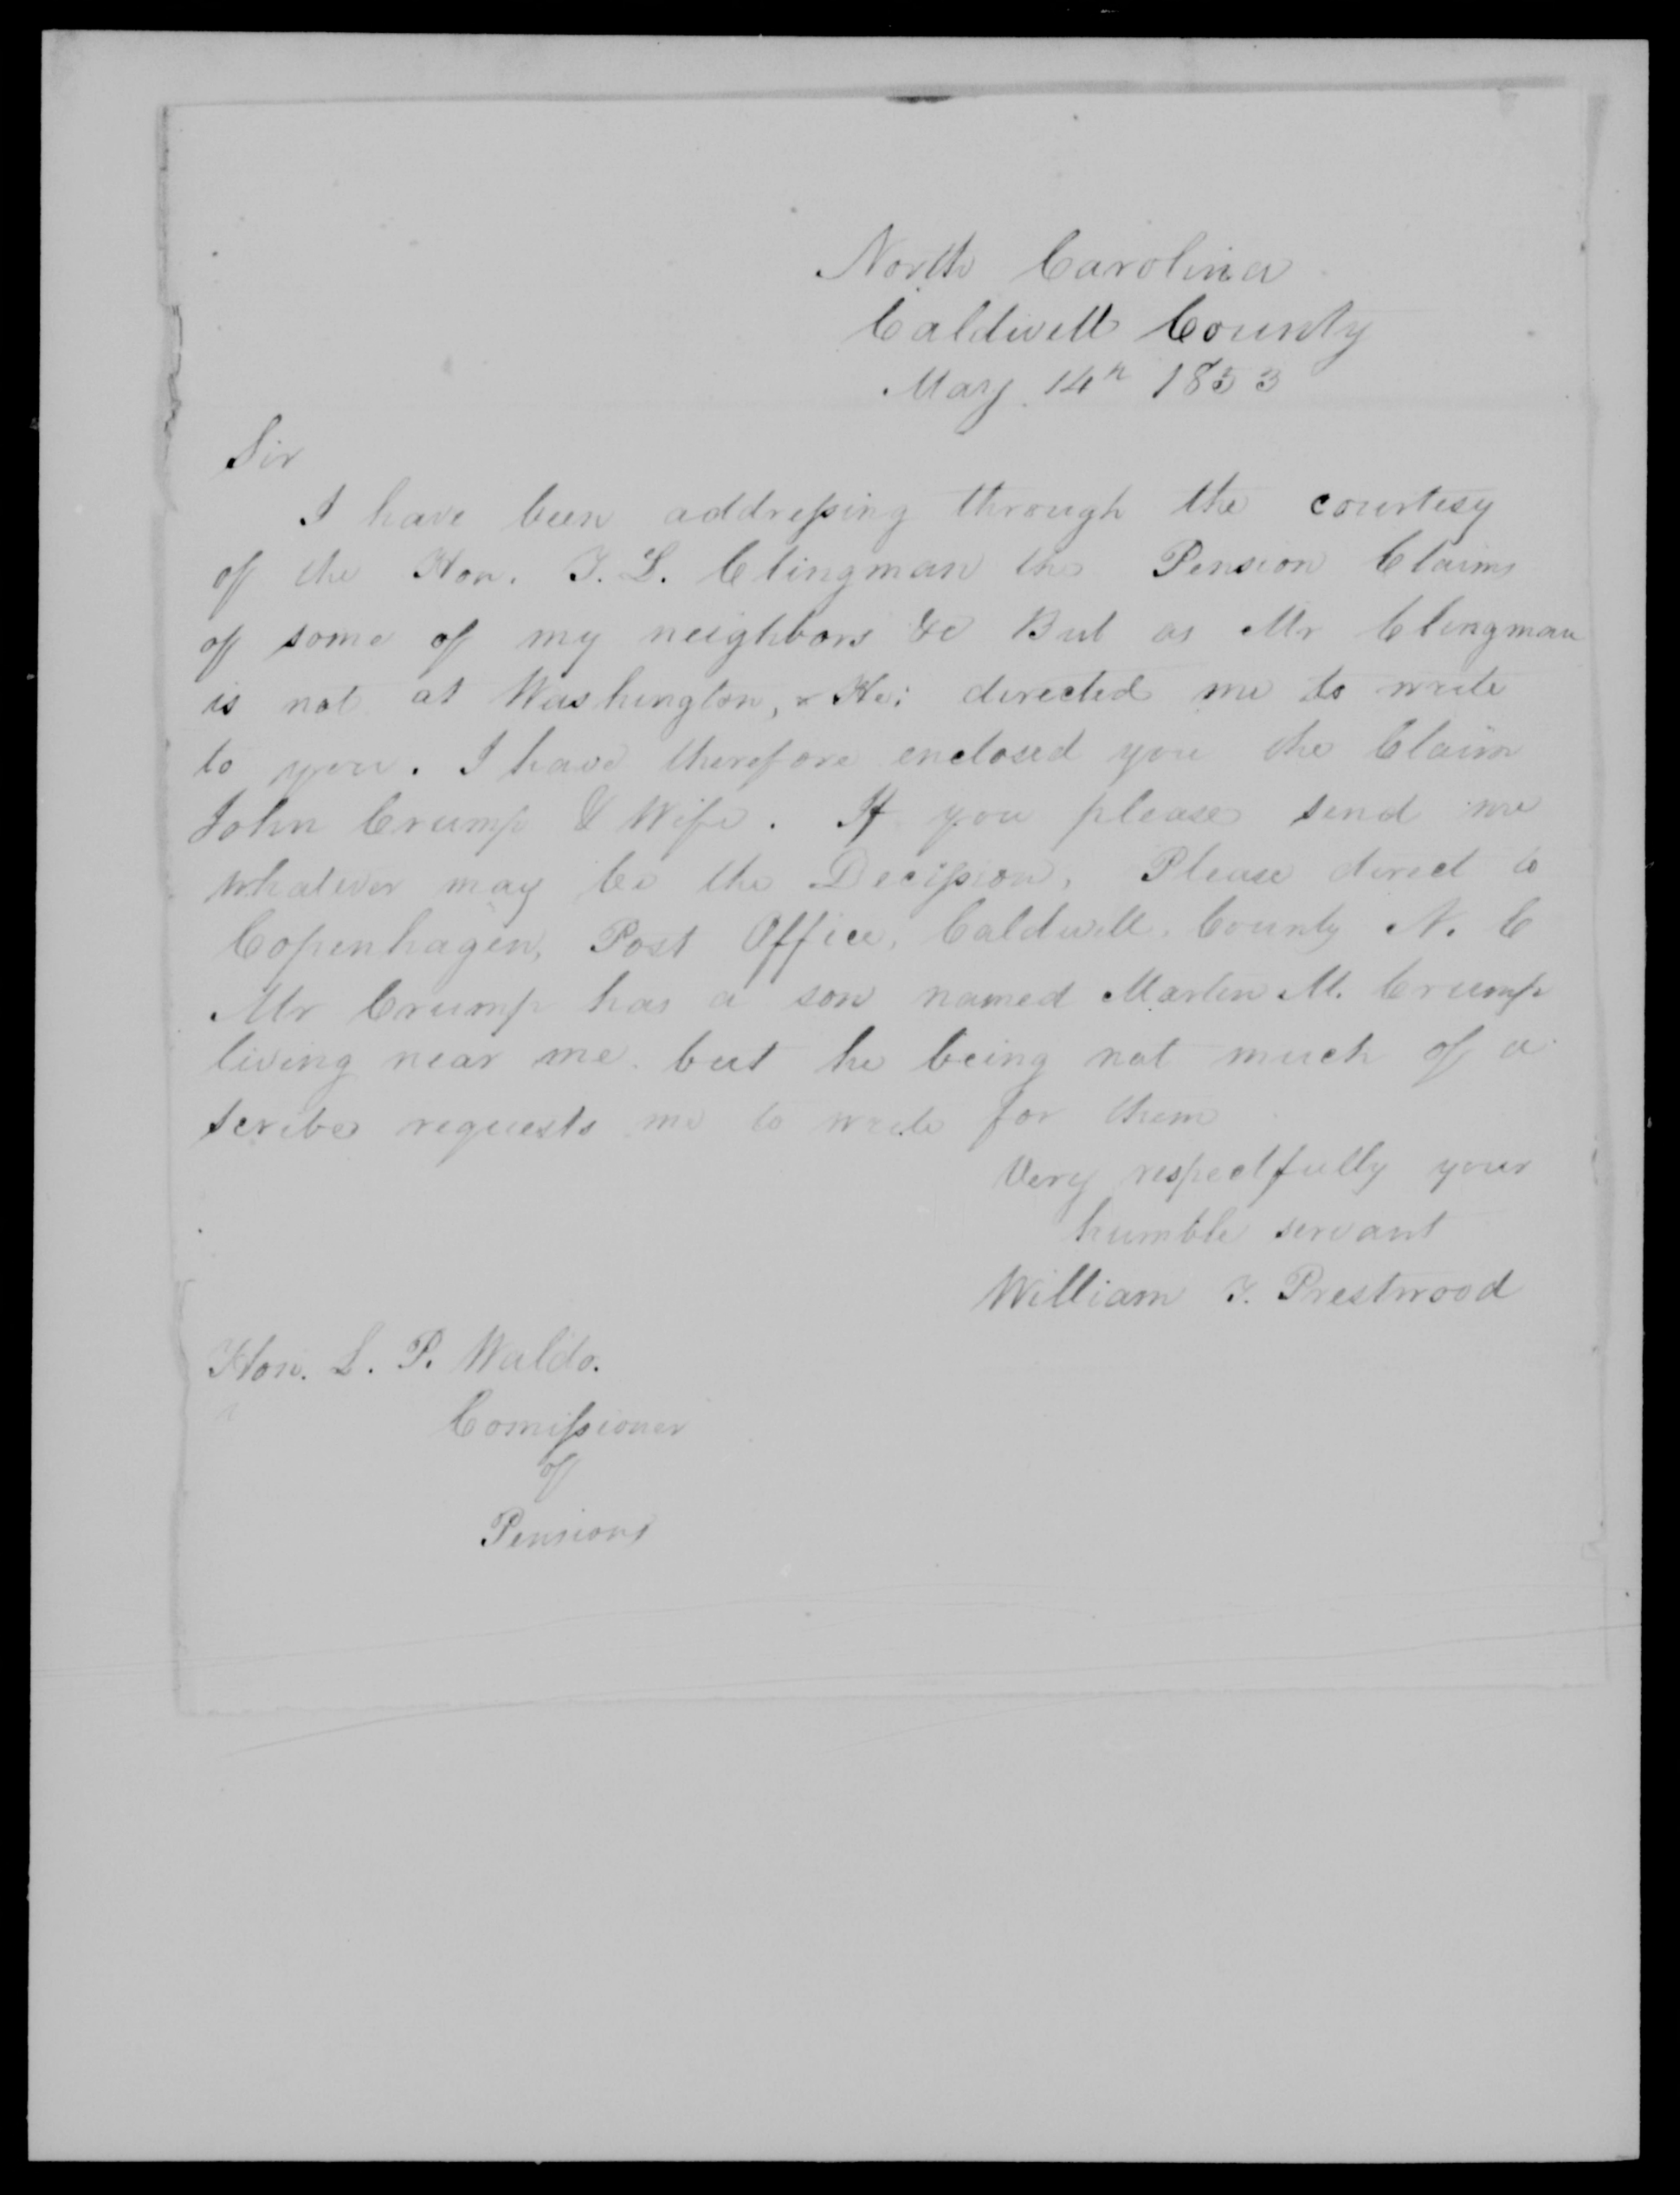[handwritten]

North Carolina
Caldwell County
May 14th, 1853

Sir, 
I have been addressing through the courtesy 
of the Hon. T. L. Clingman the Pension Claims 
of some of my neighbors &c but as Mr. Clingman 
is not at Washington, He: directed me to write 
to you.  I have therefore enclosed you the Claim 
John Crump & wife.  If you please send me 
whatever may be the Decission,  Please direct to 
Copenhagen, Post Office, Caldwell County N. C 
Mr Crump has a son named Martin M. Crump 
living near me. but he being not much of a 
scribe requests me to write for them.
Very Respectfully your 
humble servant
William T. Prestwood

Hon. L. P. Waldo
Comissioner 
of 
Pensions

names: Martin M Crump, L P Waldo, T L Clingman, Clingman, William T Prestwood, John Crump, Crump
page: 4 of 8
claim: rejected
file: R. 10677, Martin Trap, Va.